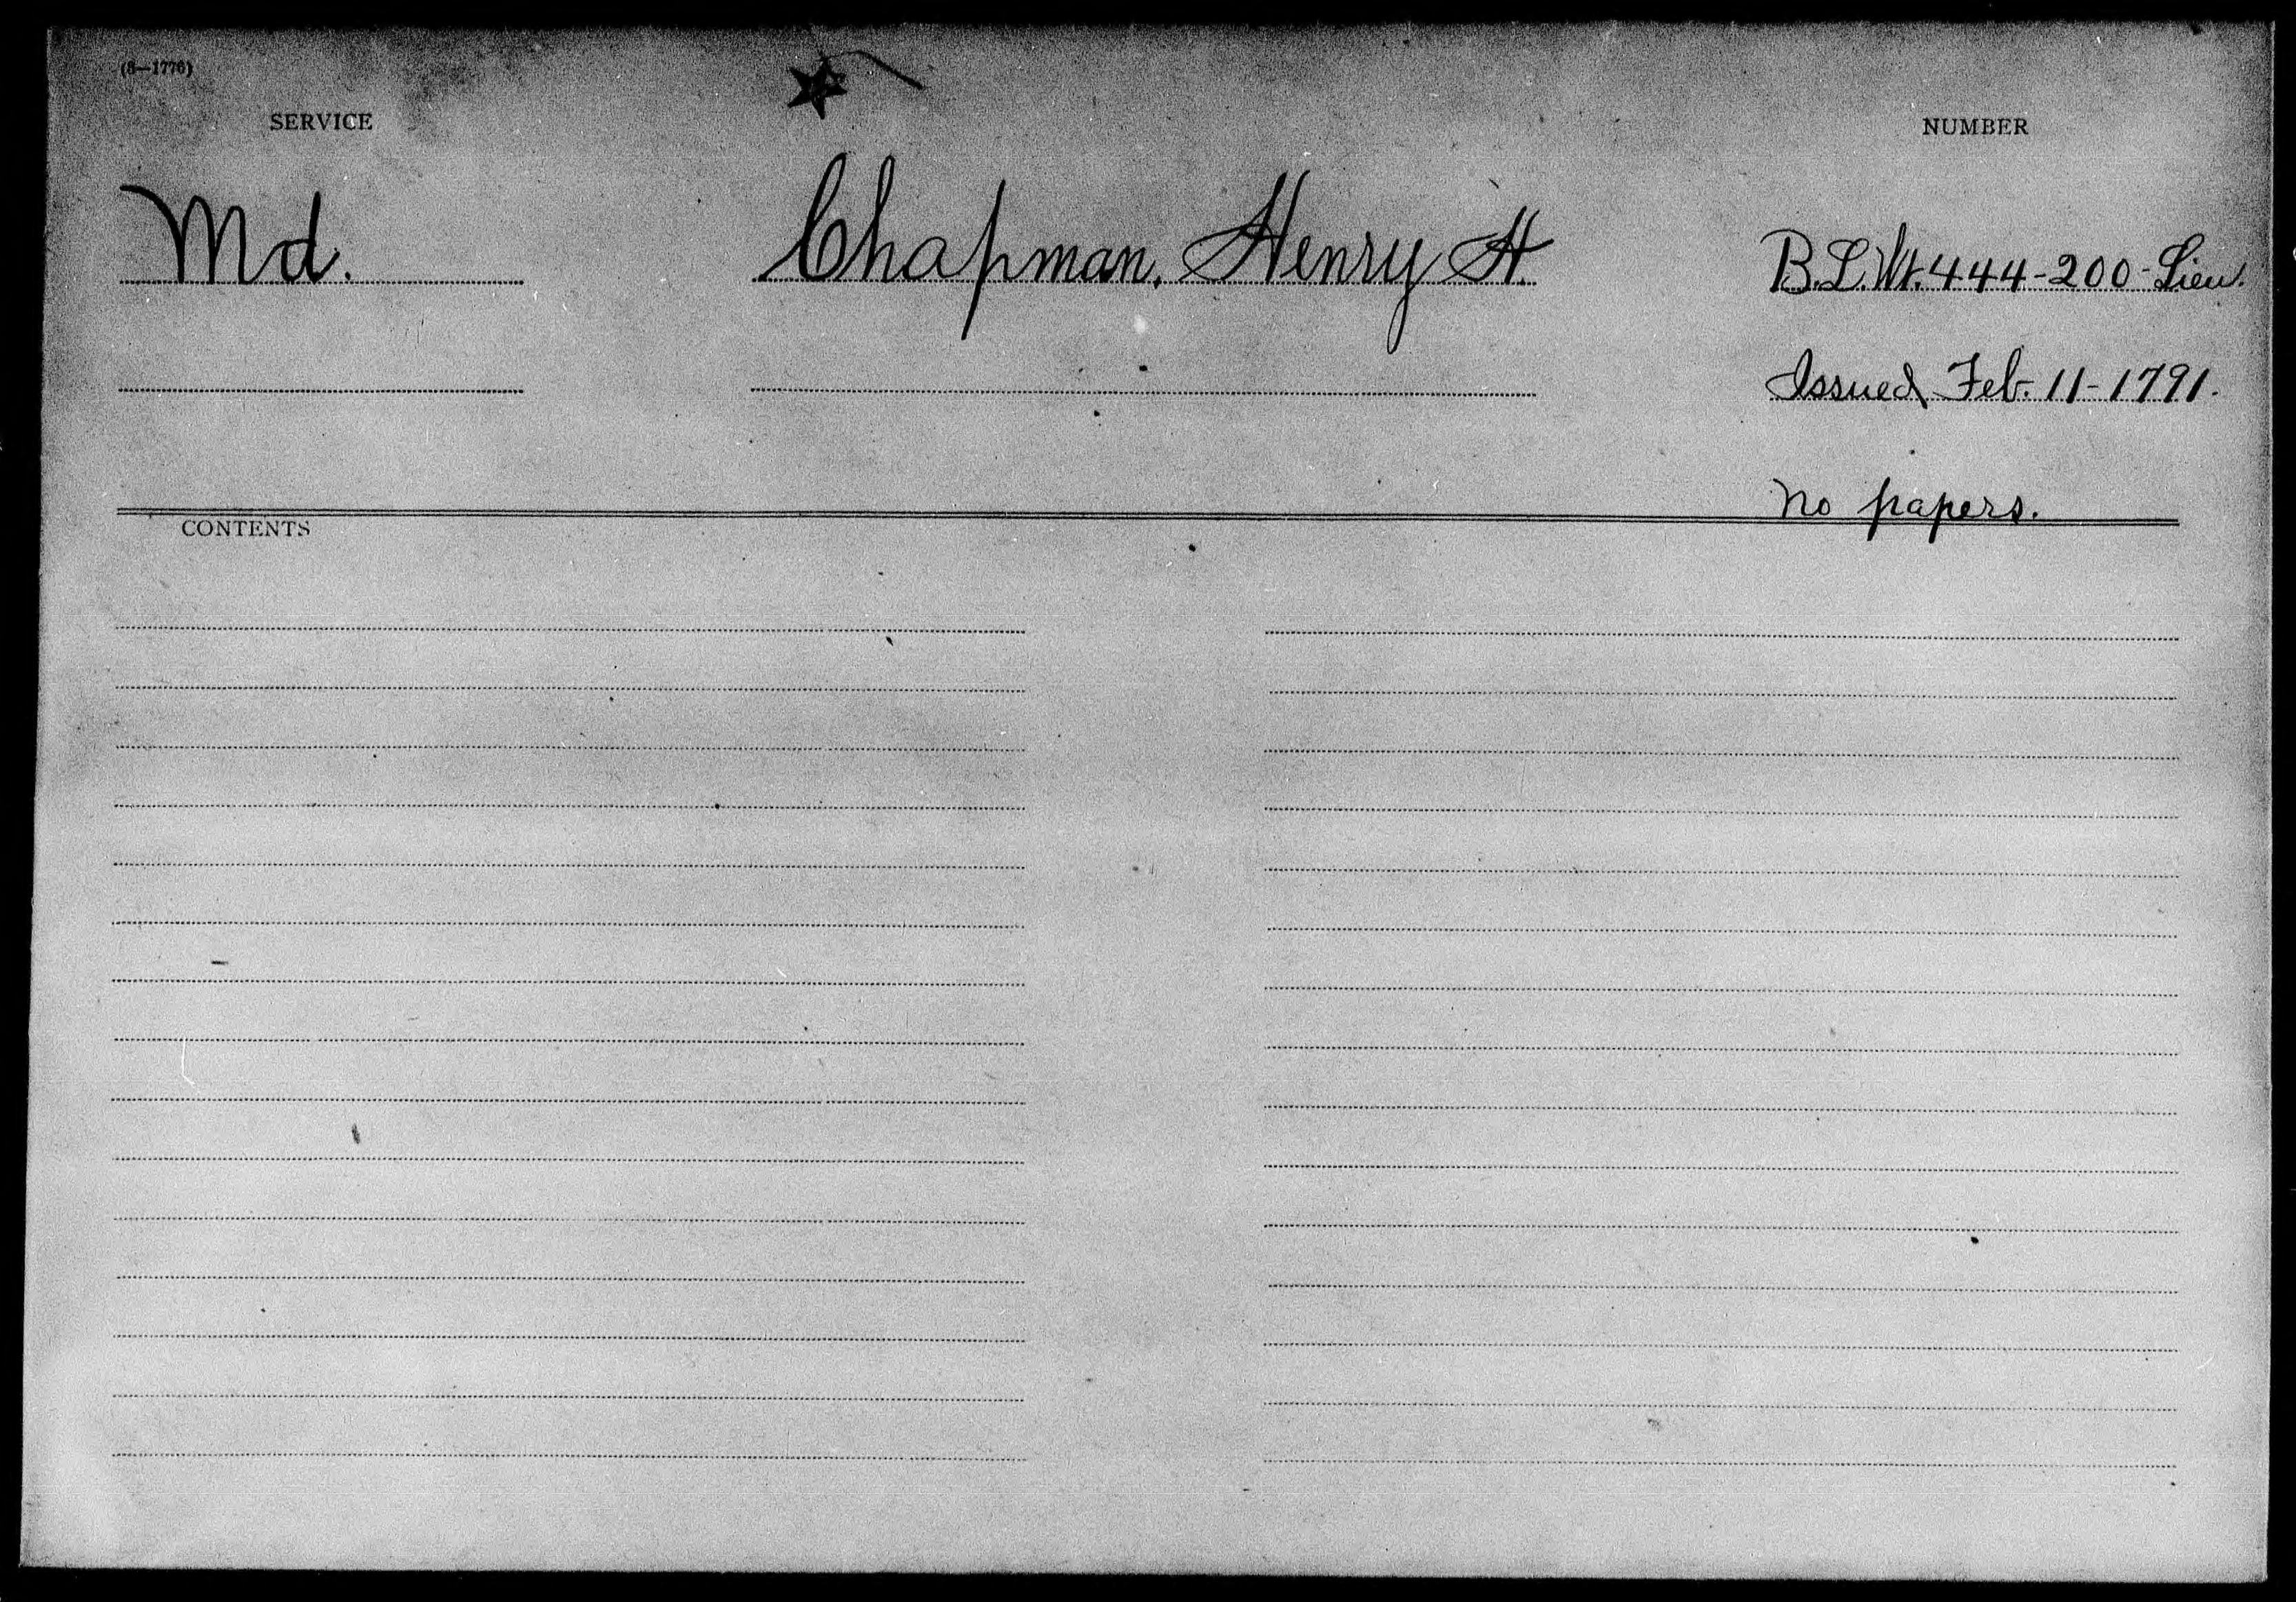(3-1776)

SERVICE     Md.

Chapman, Henry H.

NUMBER     B.L.Wt. 444-200-Lieut.
Issued Feb. 11-1791
No papers.

CONTENTS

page: 1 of 7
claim: bounty land warrant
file: B.L.Wt. 444-200, Henry H Chapman, Md.